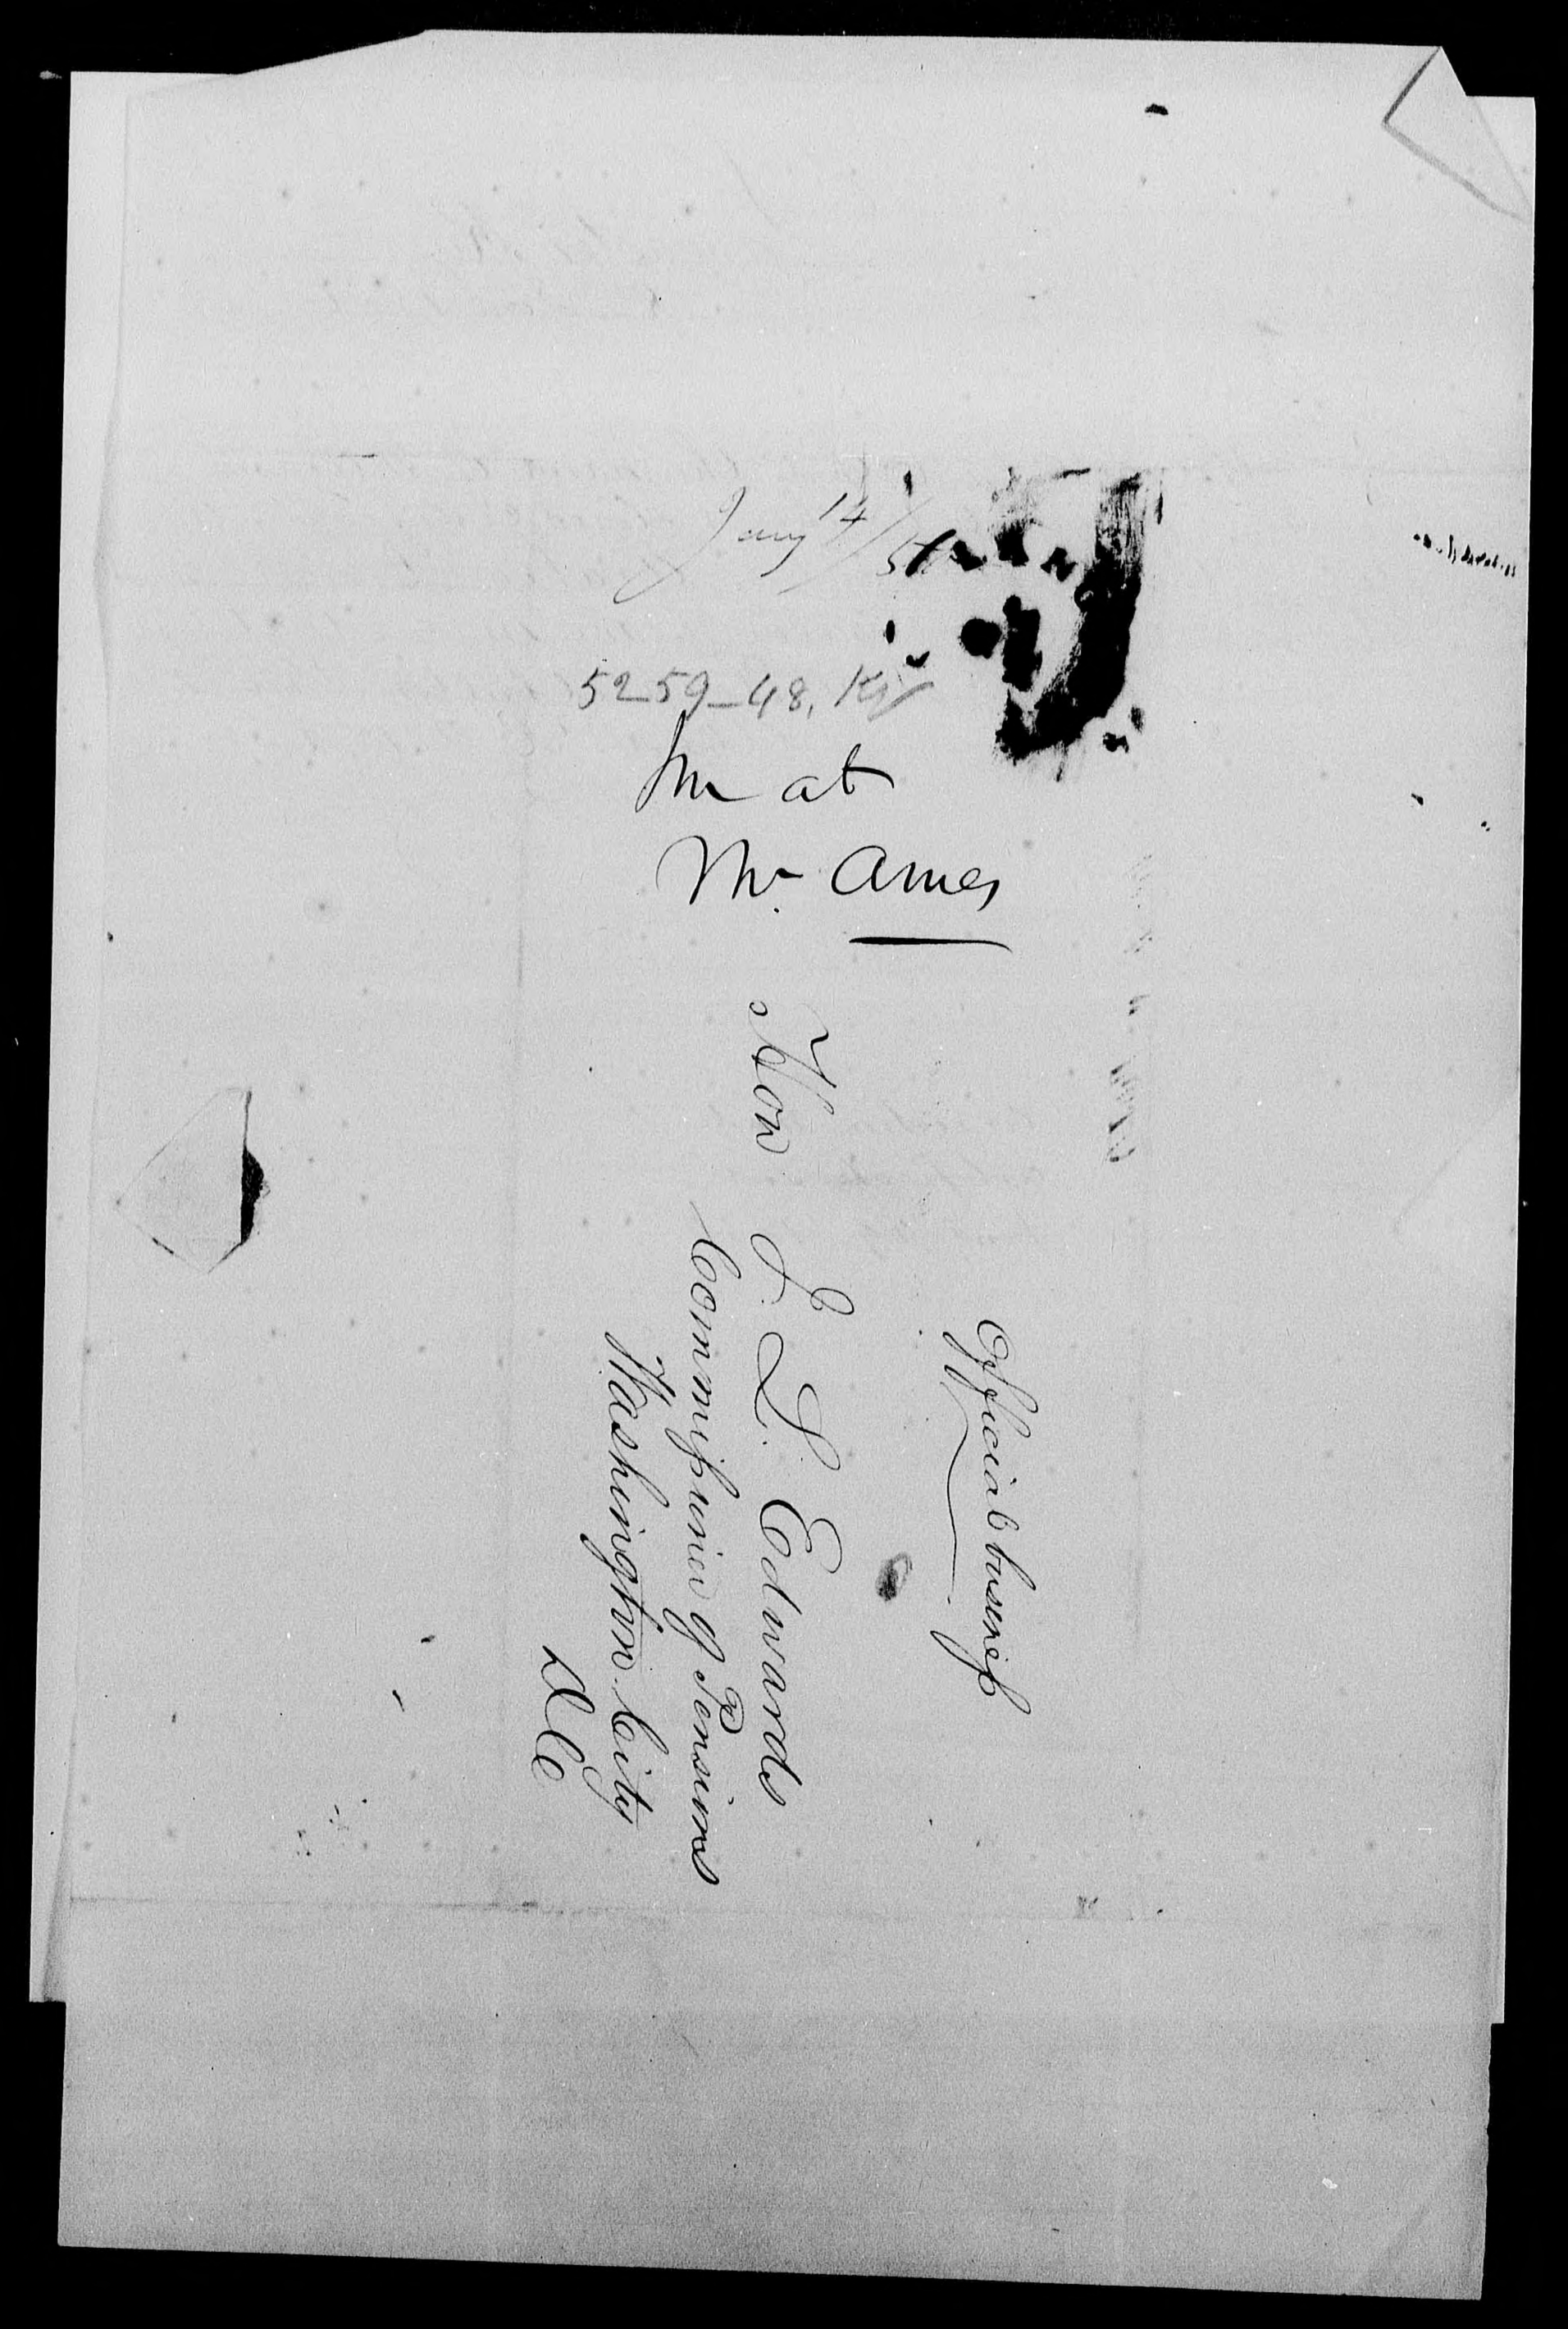July 14/5 (illegible)
5259-48, KY
Mr At
Mr. Ames

Official Business of
J. L. Edwards
Comm. of Pensions
Washington City
DC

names: J L Edwards, Ames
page: 64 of 65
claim: widow's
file: W. 8384, Arabia Brown, Va.